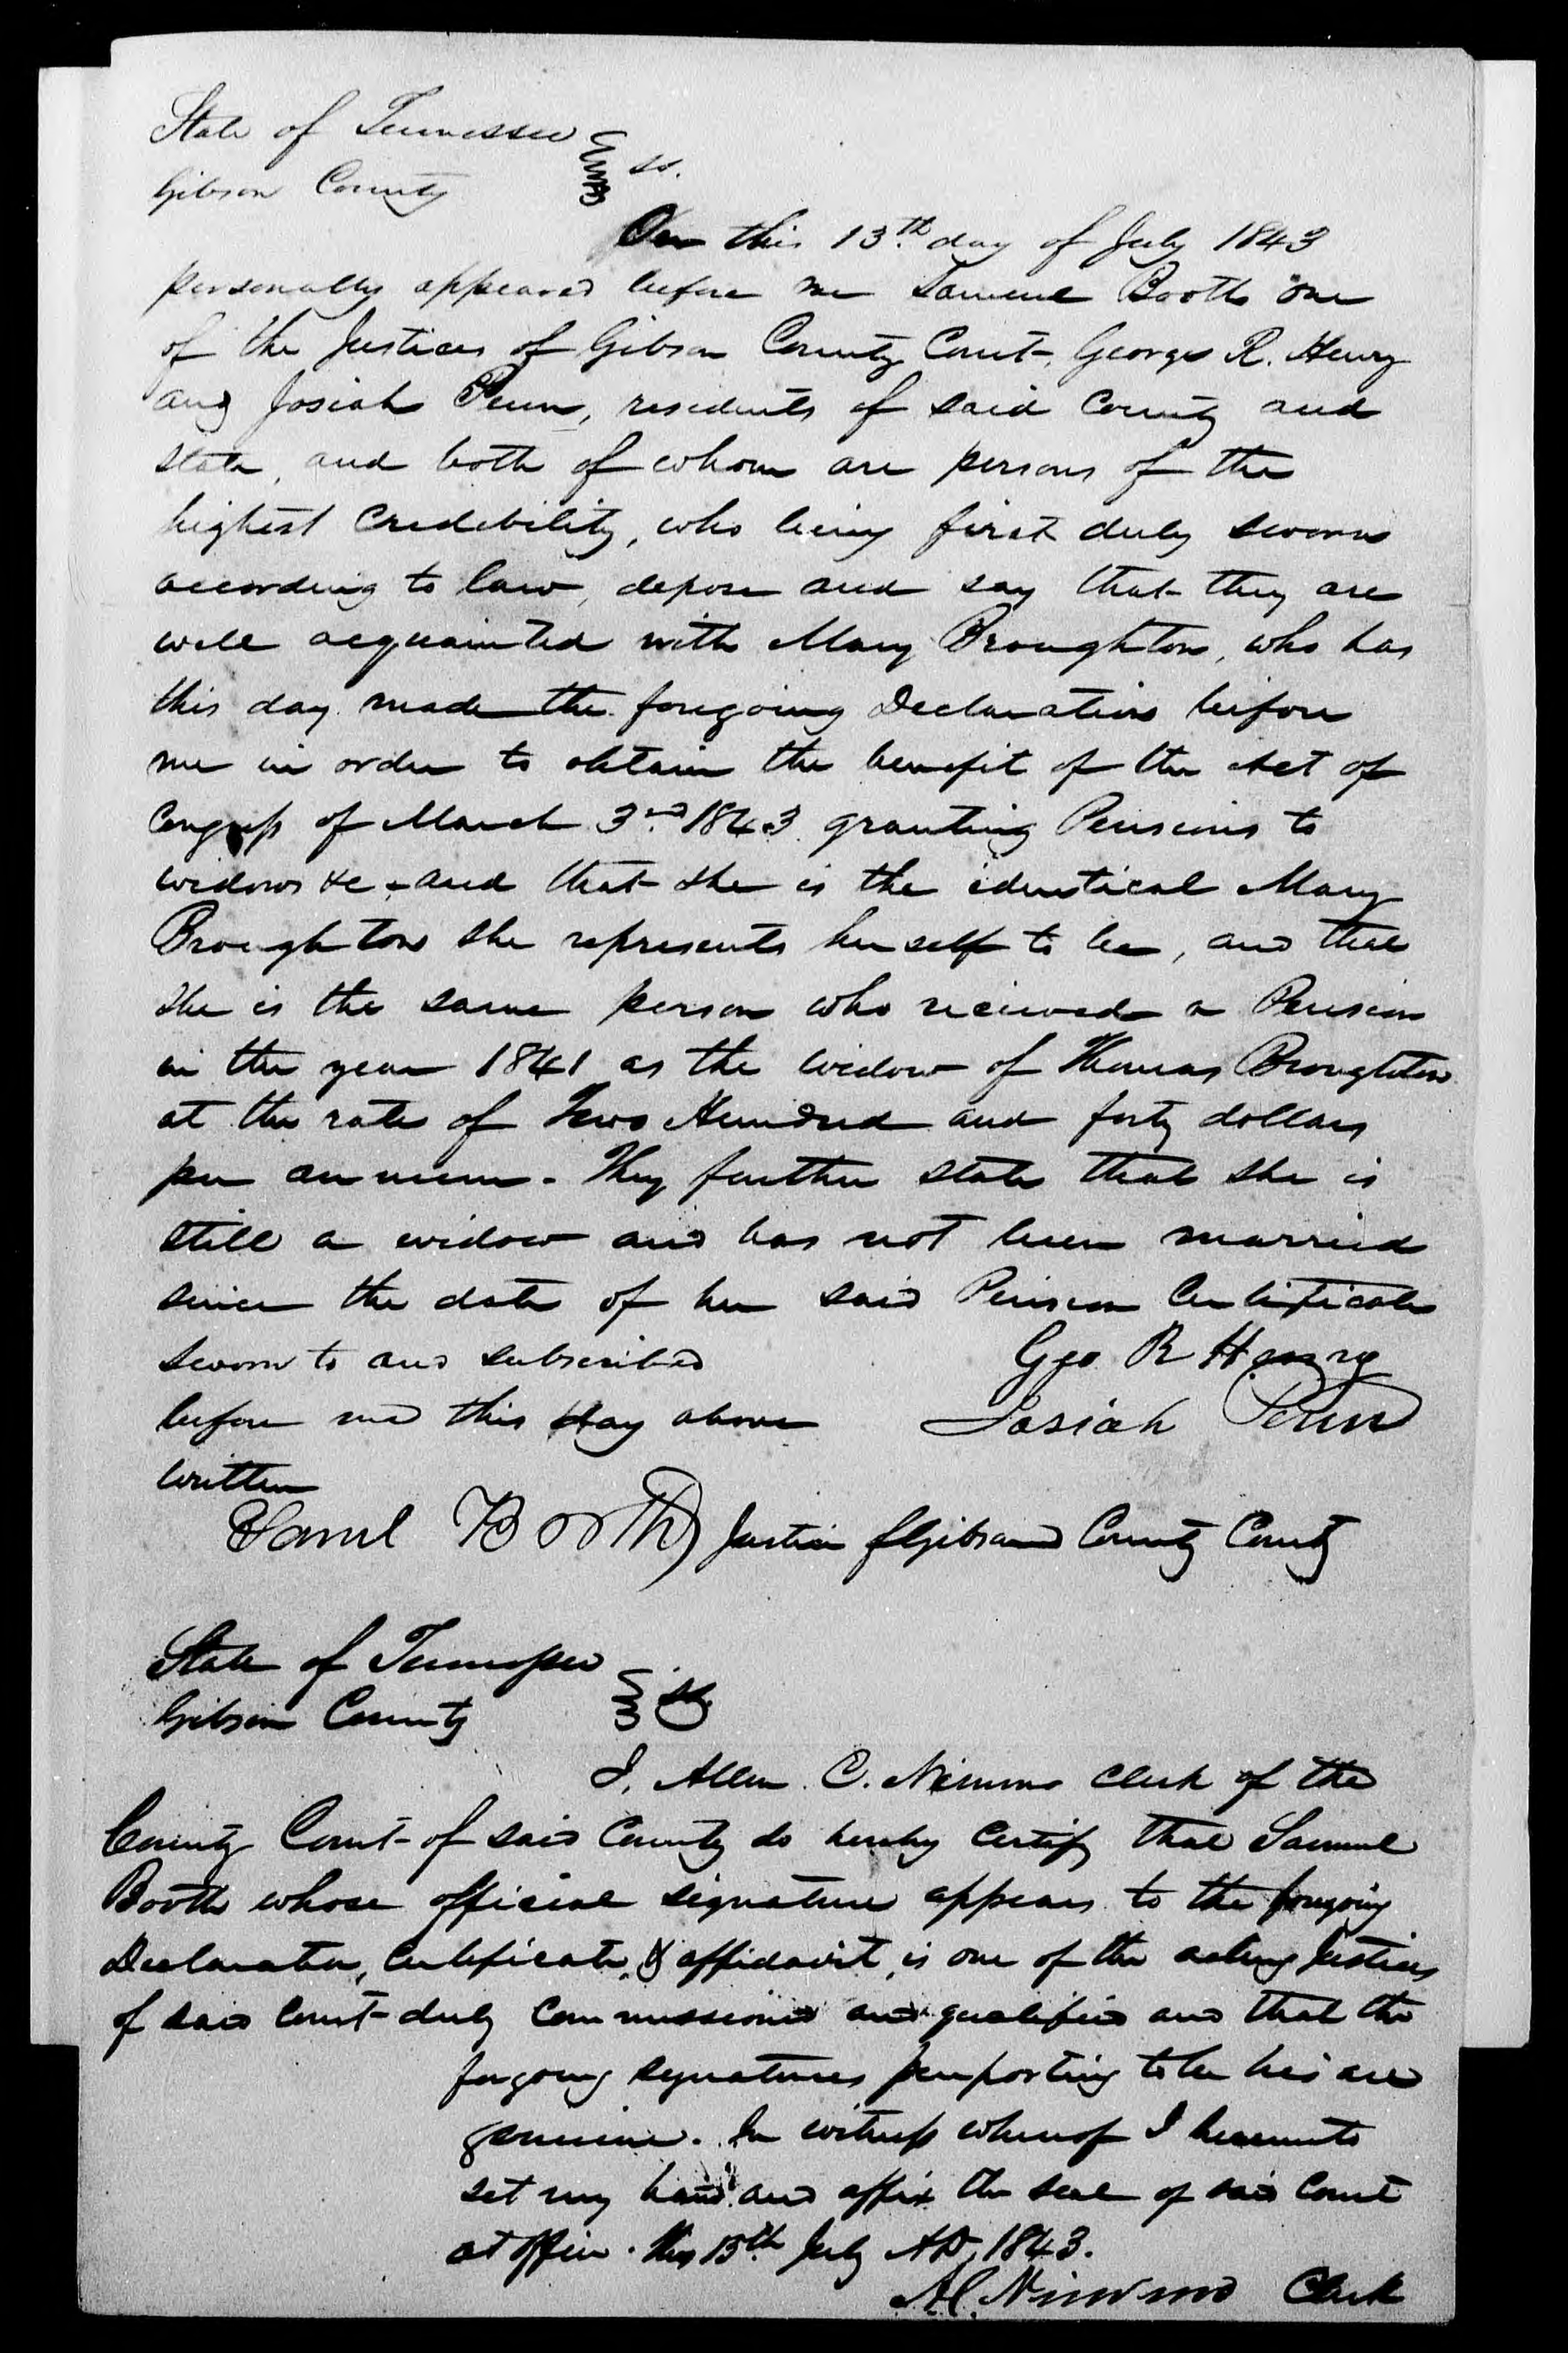State of Tennessee
Gibson County } SS.
On this 13th day of July 1843 personally appeared before me Samuel Booth one of the Justices of Gibson County Court. George R. Henry and Josiah Penn, residents of said county and state, and both of whom are persons of the highest credibility, who being first duly sworn according to law, depose and say that they are well acquainted with Mary Broughton, who has this day made the foregoing Declarations before me in order to obtain the benefit of the Act of Congress of March 3rd, 1843, granting Pensions to widows &c, - and that she is the identical Mary Broughton she represents herself to be, and that she is the same person who received a Pension in the year 1841 as the widow of Thomas Broughton at the rate of Two Hundred and forty dollars per annum. They further state that she is still a widow and has not been married since the dates of her said Pension Certificates.
Geo. R Henry
Josiah Penn
Sworn to and subscribed
before me this day above
Written
Saml Booth  Justice of Gibson County Court

State of Tennessee
Gibson County } SS.
I, Allen C. Nimmo Clerk of the County Court of said County do hereby certify that Samuel Booth whose official signature appears to the foregoing Declaration, Certificate, & affidavit, is one of the acting Justices of said Court duly Commissioned and qualified and that the foregoing signatures purporting to be his are genuine. In witness whereof I hereunto
set my hand and affix the seal of said Court
at office. This 13th July A.D. 1843.
A.C. Nimmo Clerk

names: Thomas Broughton, Saml Booth, Allen C Nimmo, Samuel Booth, A C Nimmo, Samuel Booth, Mary Broughton, Mary Broughton, George R Henry, Geo R Henry, Josiah Penn, Josiah Penn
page: 56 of 72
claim: widow's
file: W. 897, Thomas Broughton, S.C.